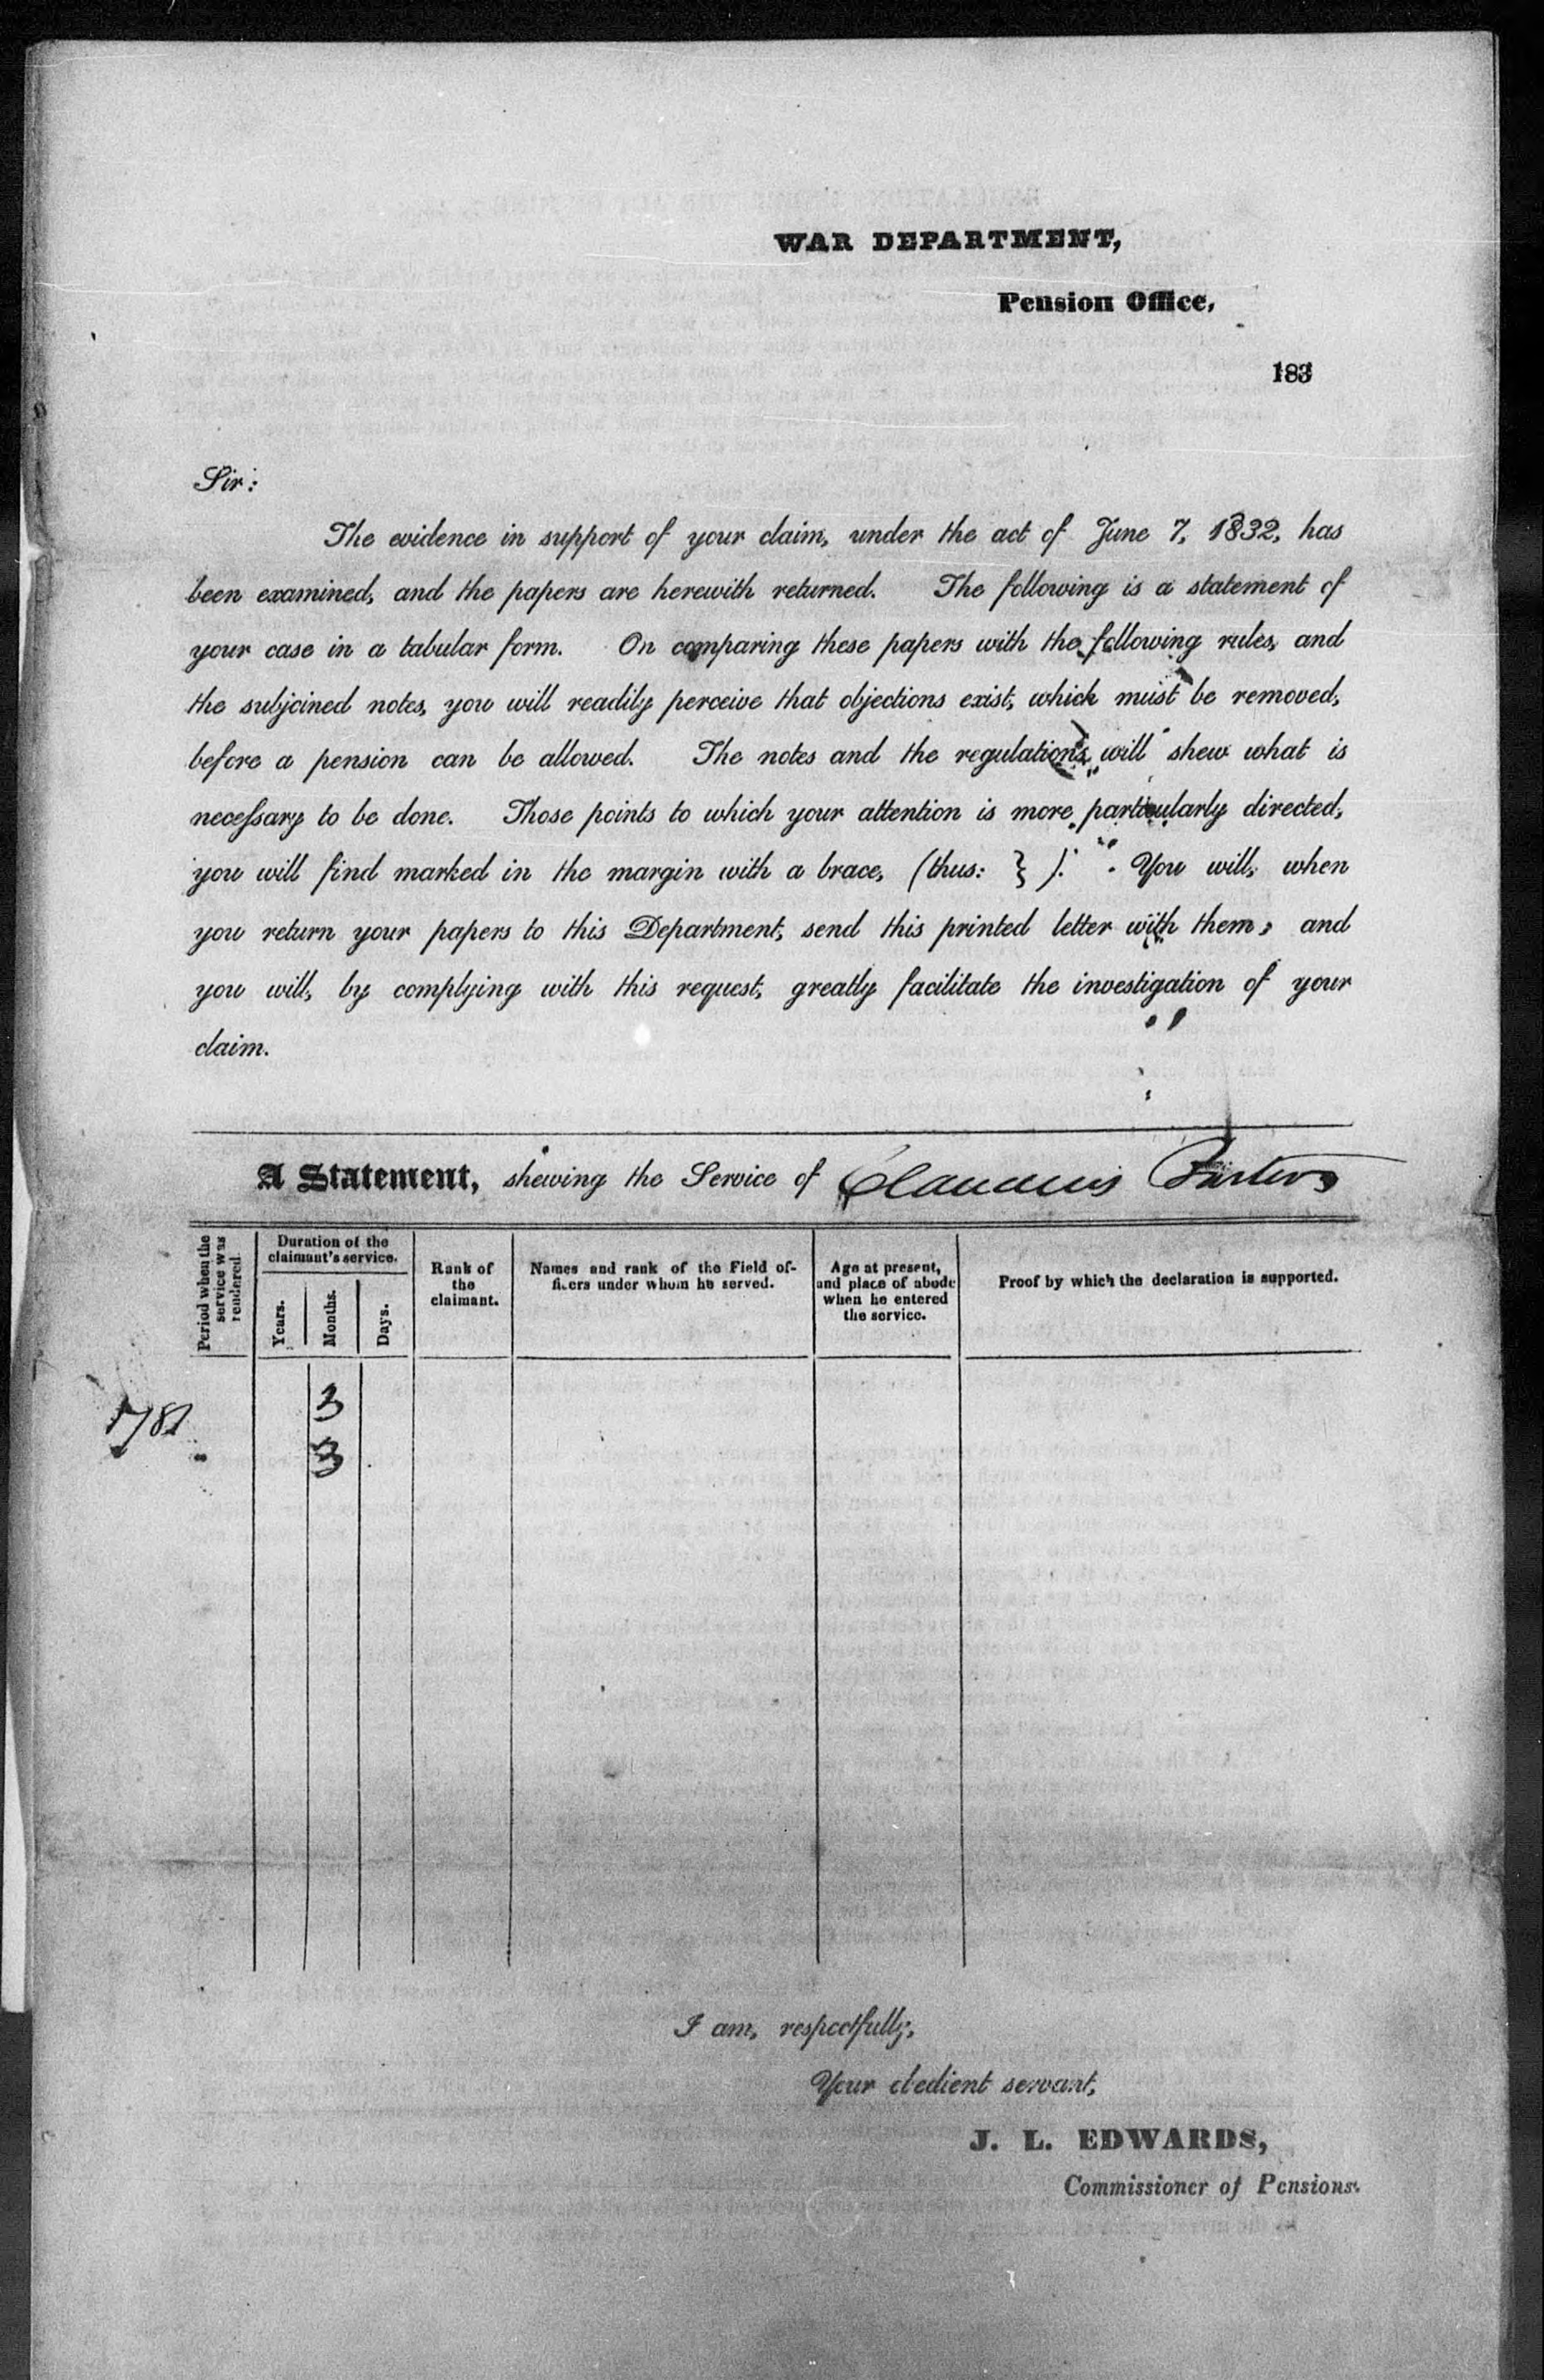WAR DEPARTMENT,
Pension Office,
183

Sir: 
The evidence in support of your claim, under the act of June 7, 1832, has been examined, and the papers are herewith returned. The following is a statement of your case in a tabular form. On comparing these papers with the following rules, and the subjoined notes, you will readily perceive that objections exists, which must be removed, before a pension can be allowed. The notes and the regulations will show what is necessary to be done. Those points to which your attention is more particularly directed, you will find marked in the margin with a brace, (thus: }) You will, when you return your papers to this Department, send this printed letter with them; and you will, by complying with this request, greatly facilitate the investigation of your claim.

A Statement, showing the Service of Claudius Buster

Period when the service was rendered.
1781

Duration of the claimant's service.
Years. 
[blank]

Months. 
3
3

Days. 
[blank]

Rank of the claimant.
[blank]

Names and rank of the Field officers under whom he served.
[blank]

Age at present, and place of abode when he entered the service. 
[blank]

Proof by which the declaration is supported.
[blank]

I am, respectfully.
Your obedient servant,
J. L. EDWARDS,
Commissioner of Pensions.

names: J L Edwards, Claudius Buster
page: 16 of 71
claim: widow's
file: W. 25310, Claudius Buster, Va.